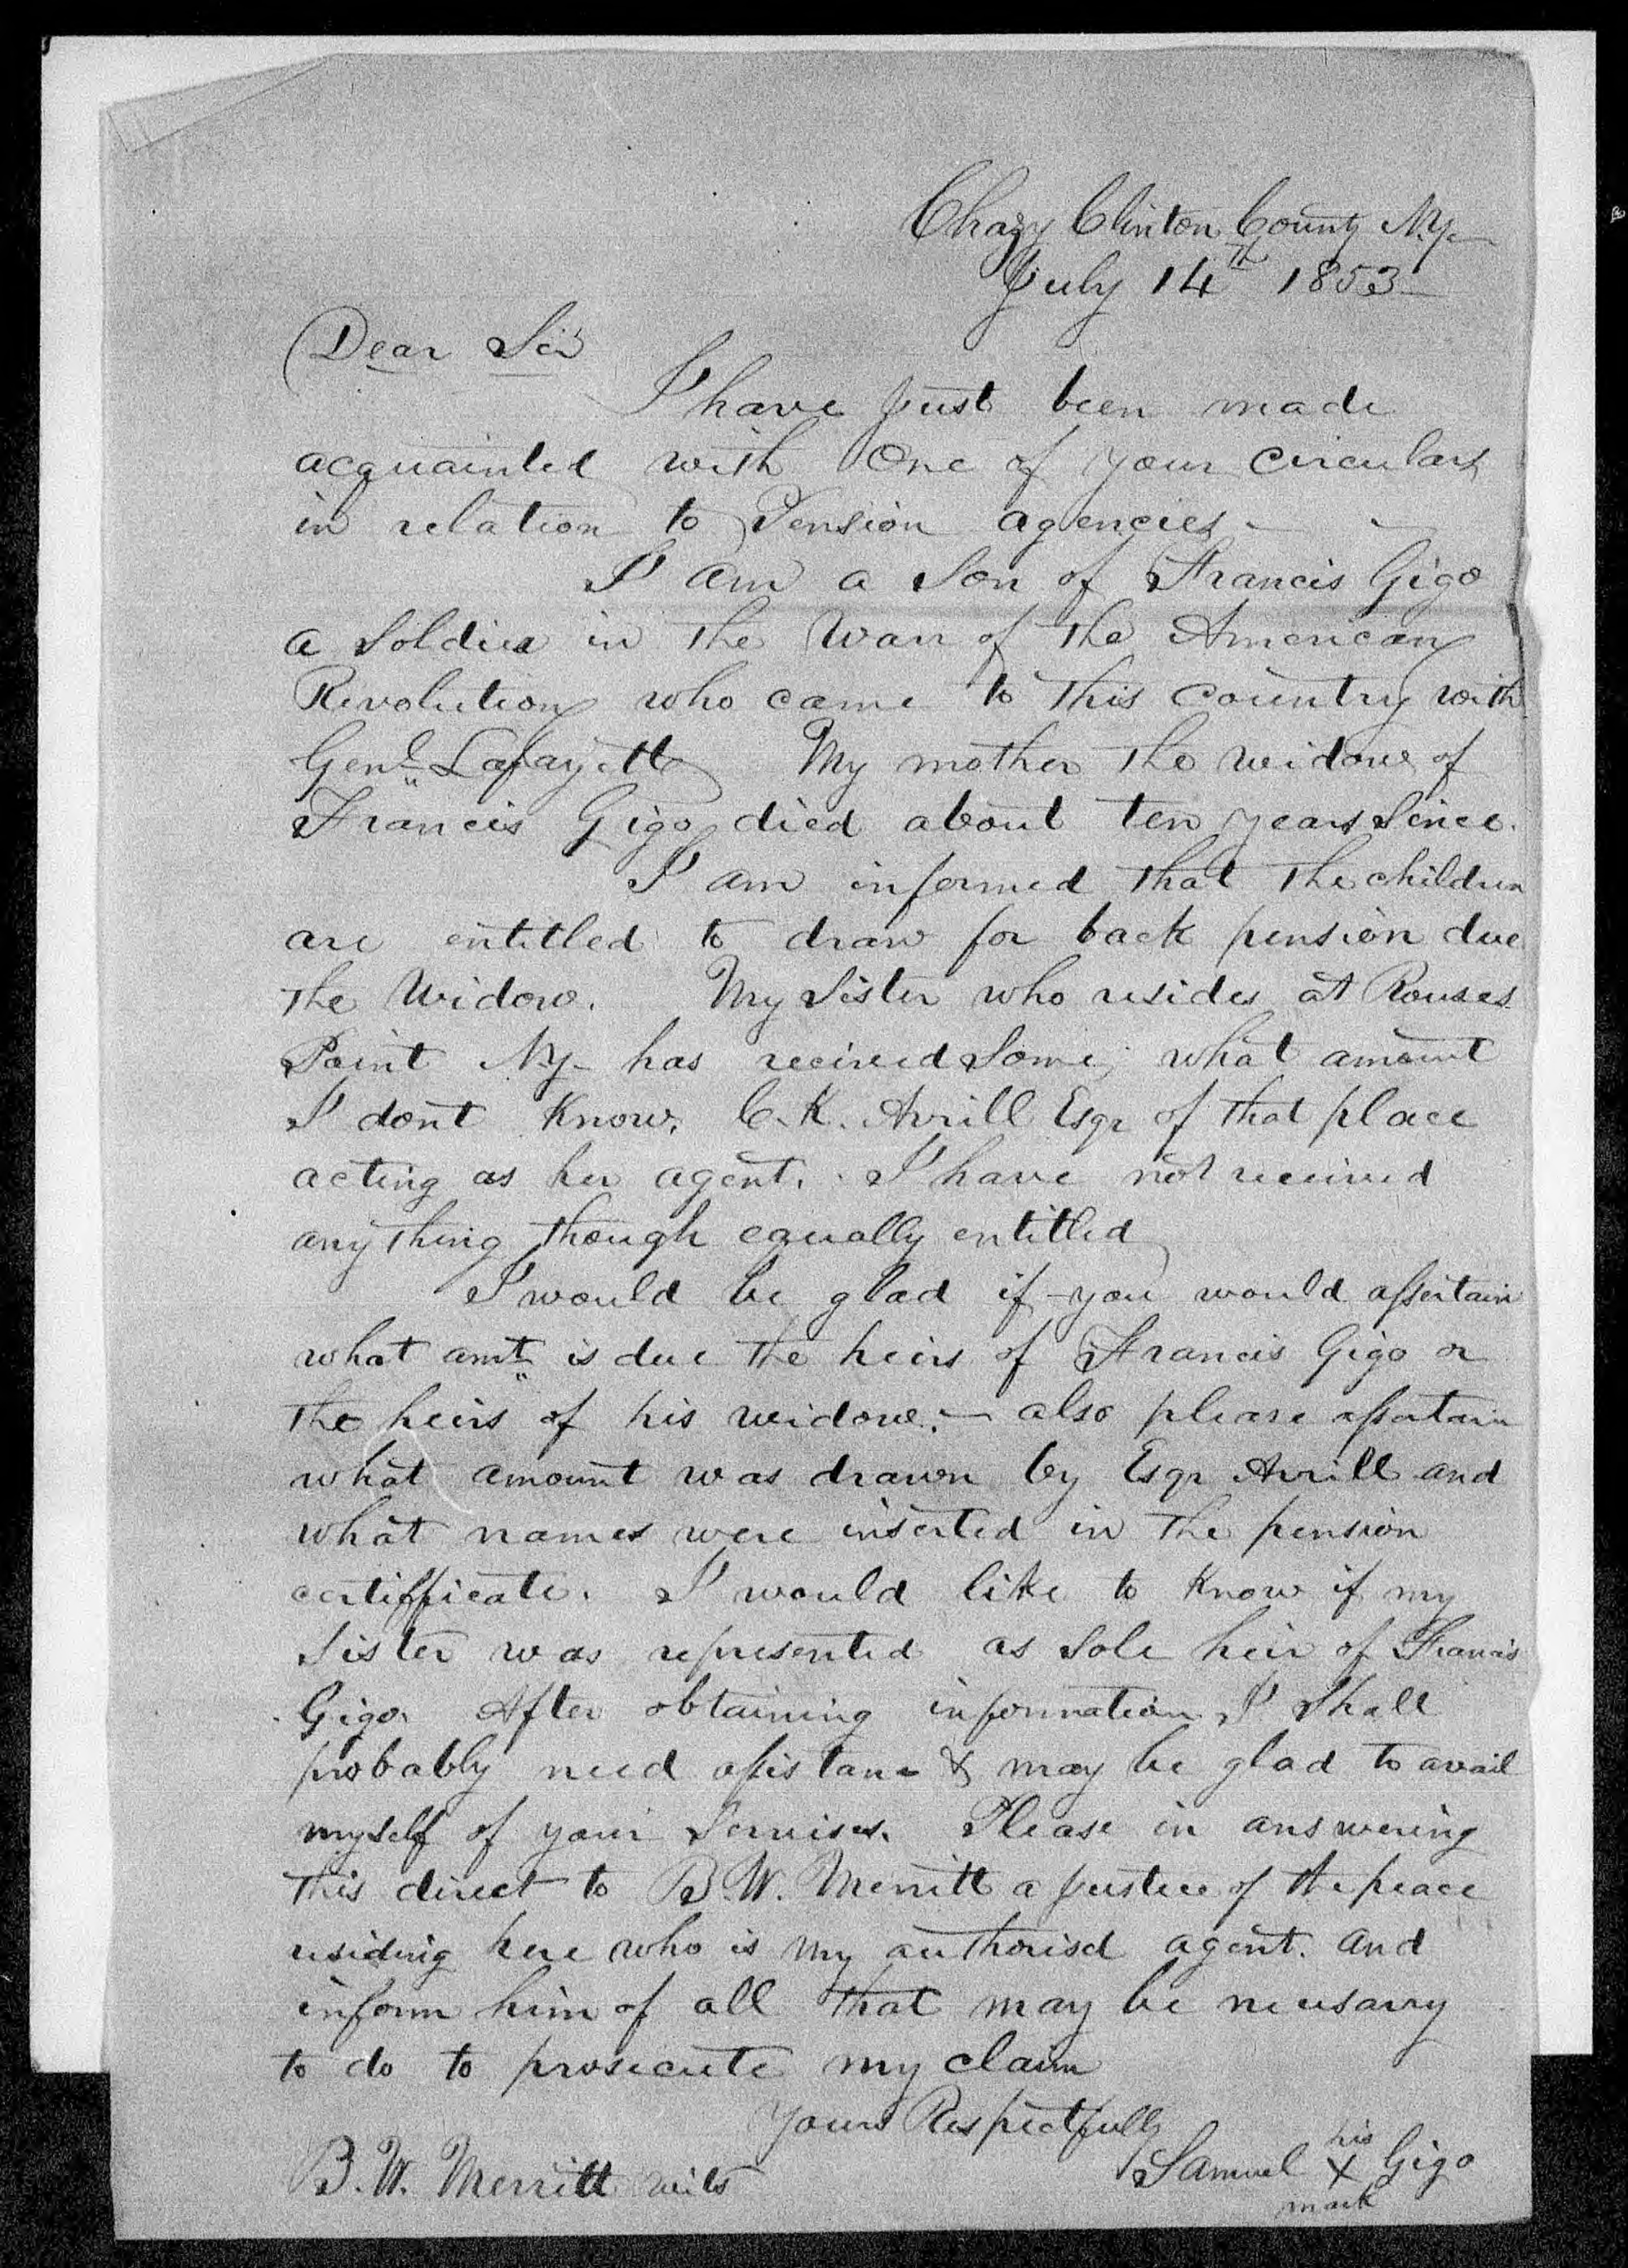Chazy Clinton County N.York
July 14th 1853

Dear Sir
I have just been made acquainted with one of your circulars in relation to Pension agencies -
I am a son of Francis Gigo a Soldire in the War of the American Revolution who came to this country with Genl Lafayett  My mother the widow of Francis  Gigo died about ten years since.
I am informed that the children are entitled to draw for back pension due the widow. My sister who resides at Rouses Point NY has recieved Some , what amount I don't know. CK. Avrill Esq. of that place, acting as her agent. I have not received anything though equally entitled.
I would be glad if you would ascertain what amt is due the heirs of Francis Gigo or the heirs of his widow - also please ascertain what amount was drawn by Esqr. Avrill and what names were inserted in the pension certifficate.
I would like to know is my Sister was represented as sole heir of Francis Gigo. 
After obtaining information I shall probably need assistance & may be glad to avail myself of your services. Please in answering this direct to B. W. Merritt a justice of the peace residing here who is my authorised agent and inform him of all that may be necessary to do to prosecute my claim
Yours Respectfully
Samue (x his mark) Gigo
B. W. Merritt   wils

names: Lafayett, Francis Gigo, B W Merritt, C K Avrill, B W Merritt, Francis Gigo, Francis Gigo, Avrill, Francis Gigo, Samuel Gigo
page: 48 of 98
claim: widow's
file: W. 21182, Francis Gigo, Continental (Canadian)